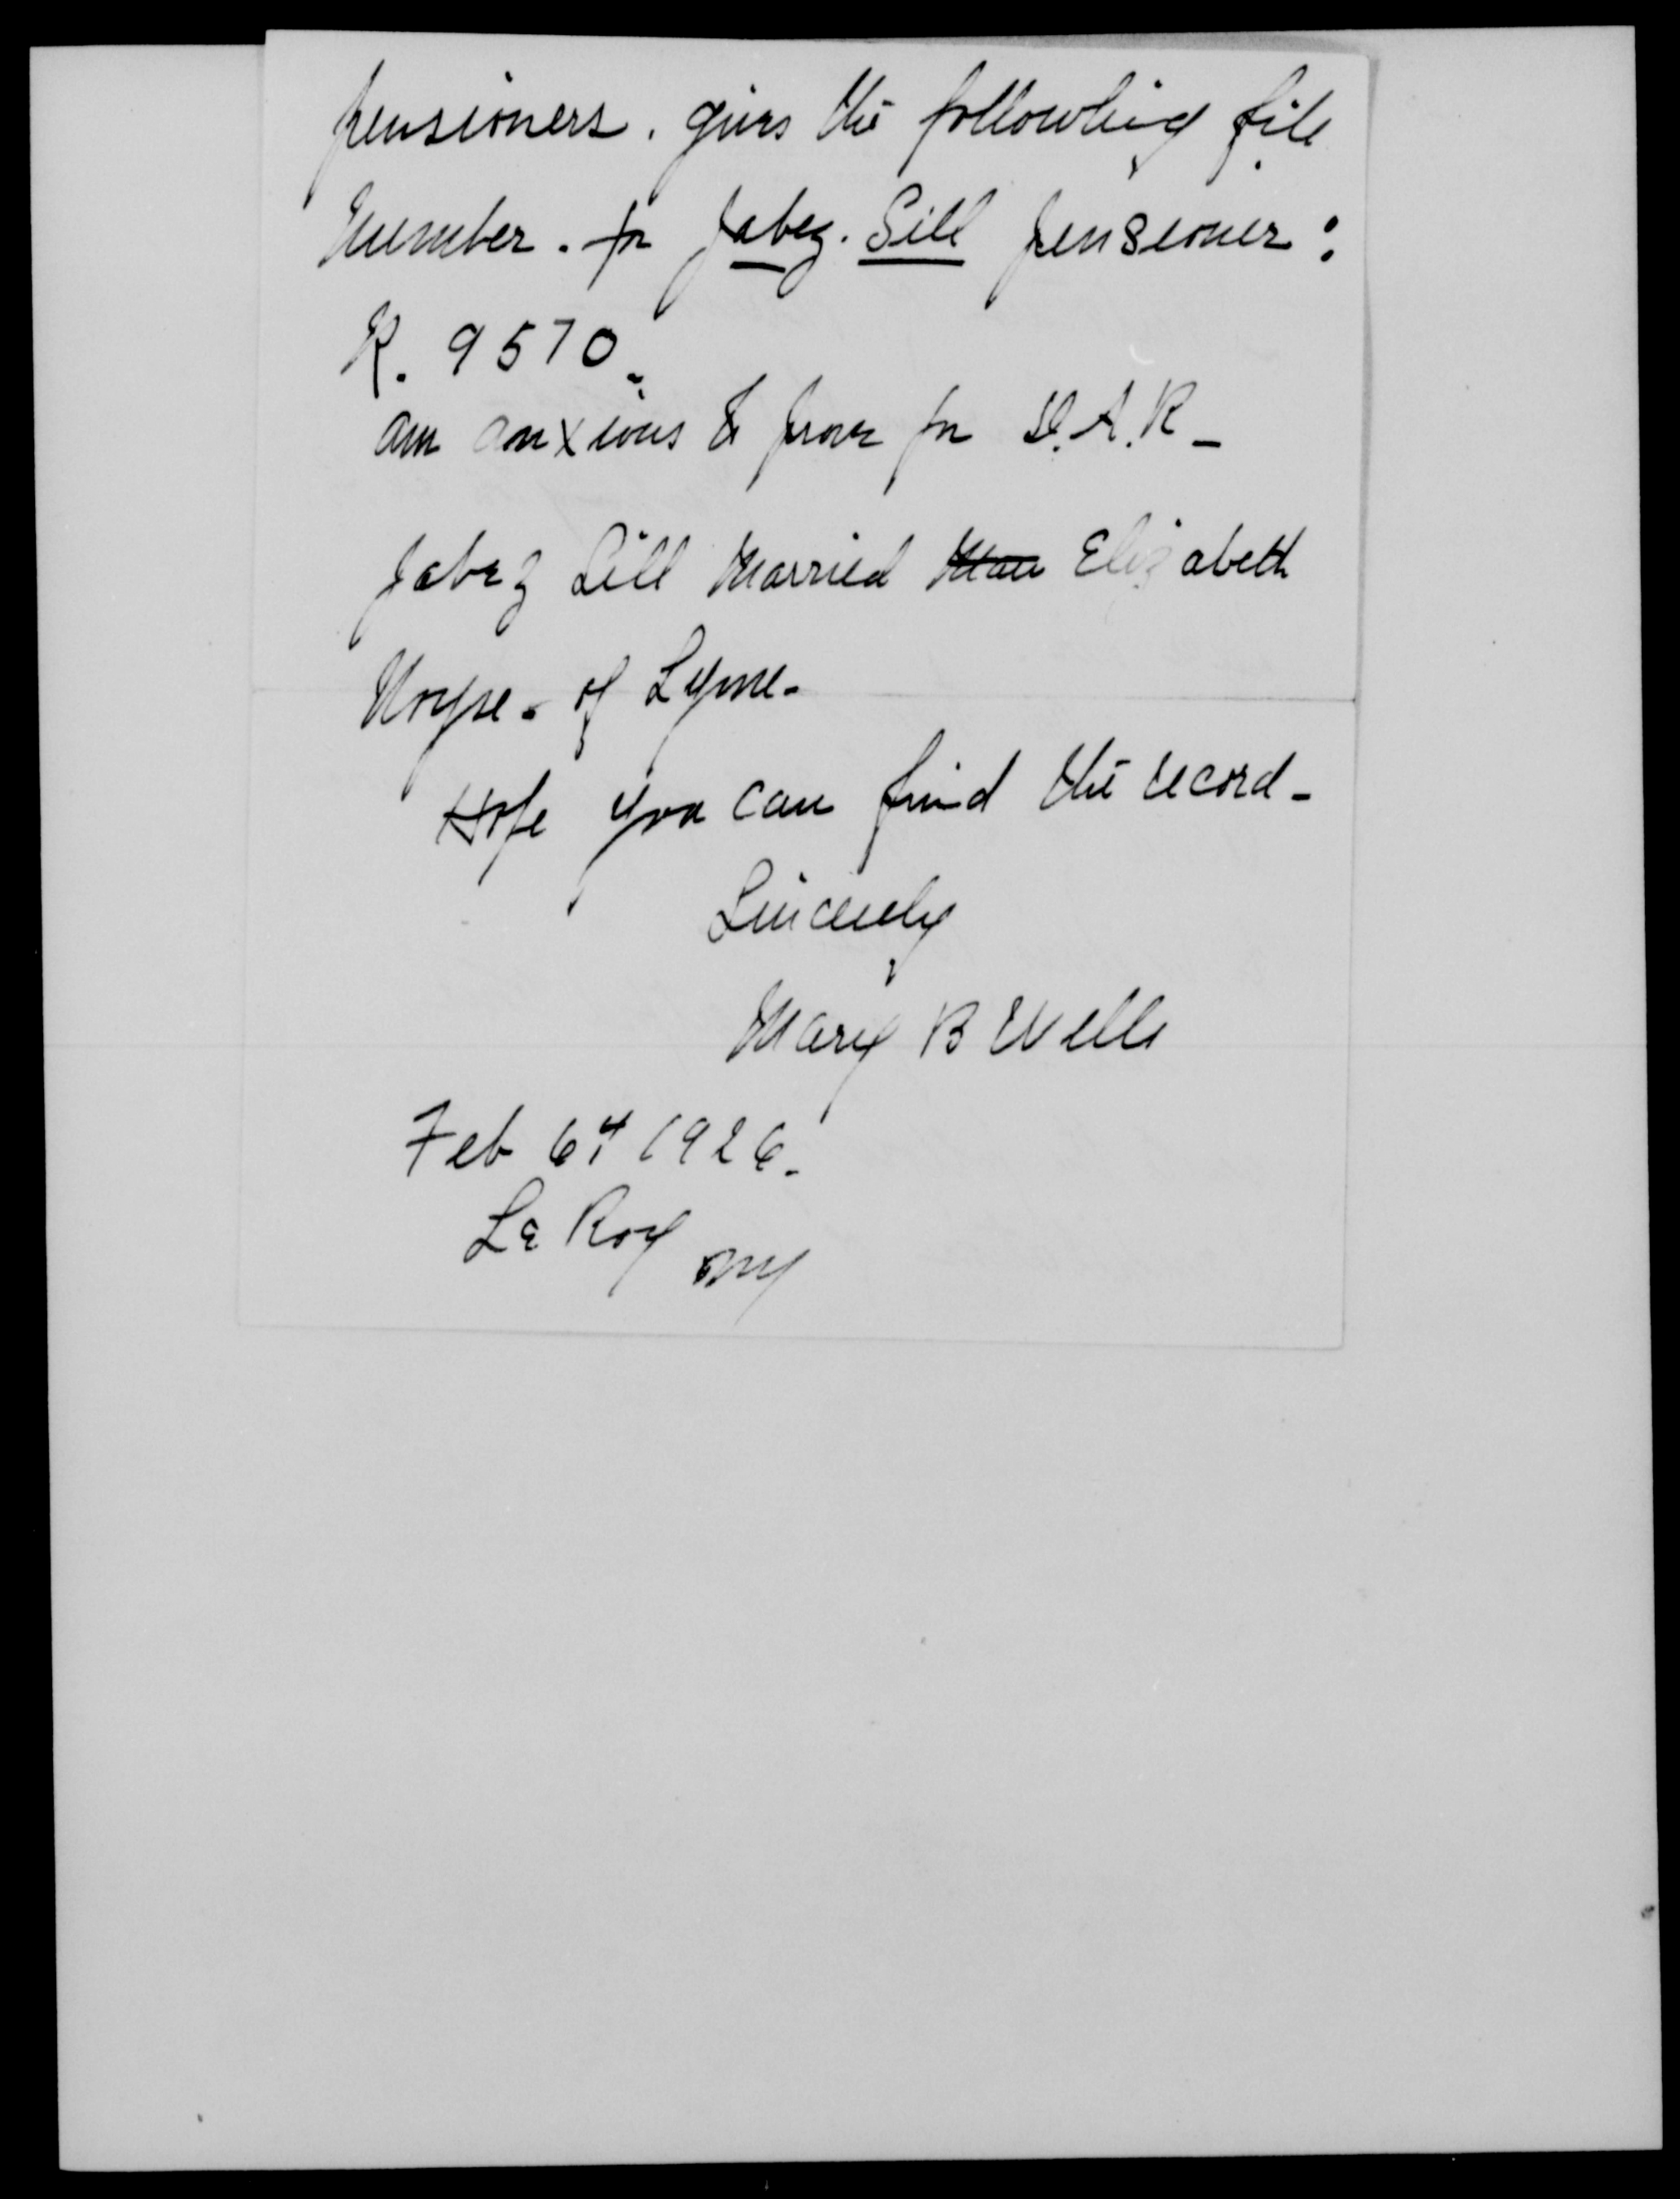pensions gives the following file number for Jabez Sill pensioner:  R. 9570.
Am anxious to prove for D.A.R..
Jabez Sill married Elizabeth Noyse of Lyme.
Hope you can find the record.
Sincerely
Mary B. Wells
Feb 6th  1926
LeRoy NY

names: Elizabeth Noyse; Mary B Wells; Jabez Sill; Jabez Sill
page: 21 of 29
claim: rejected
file: R. 9570, for Jabez Sill, Connecticut